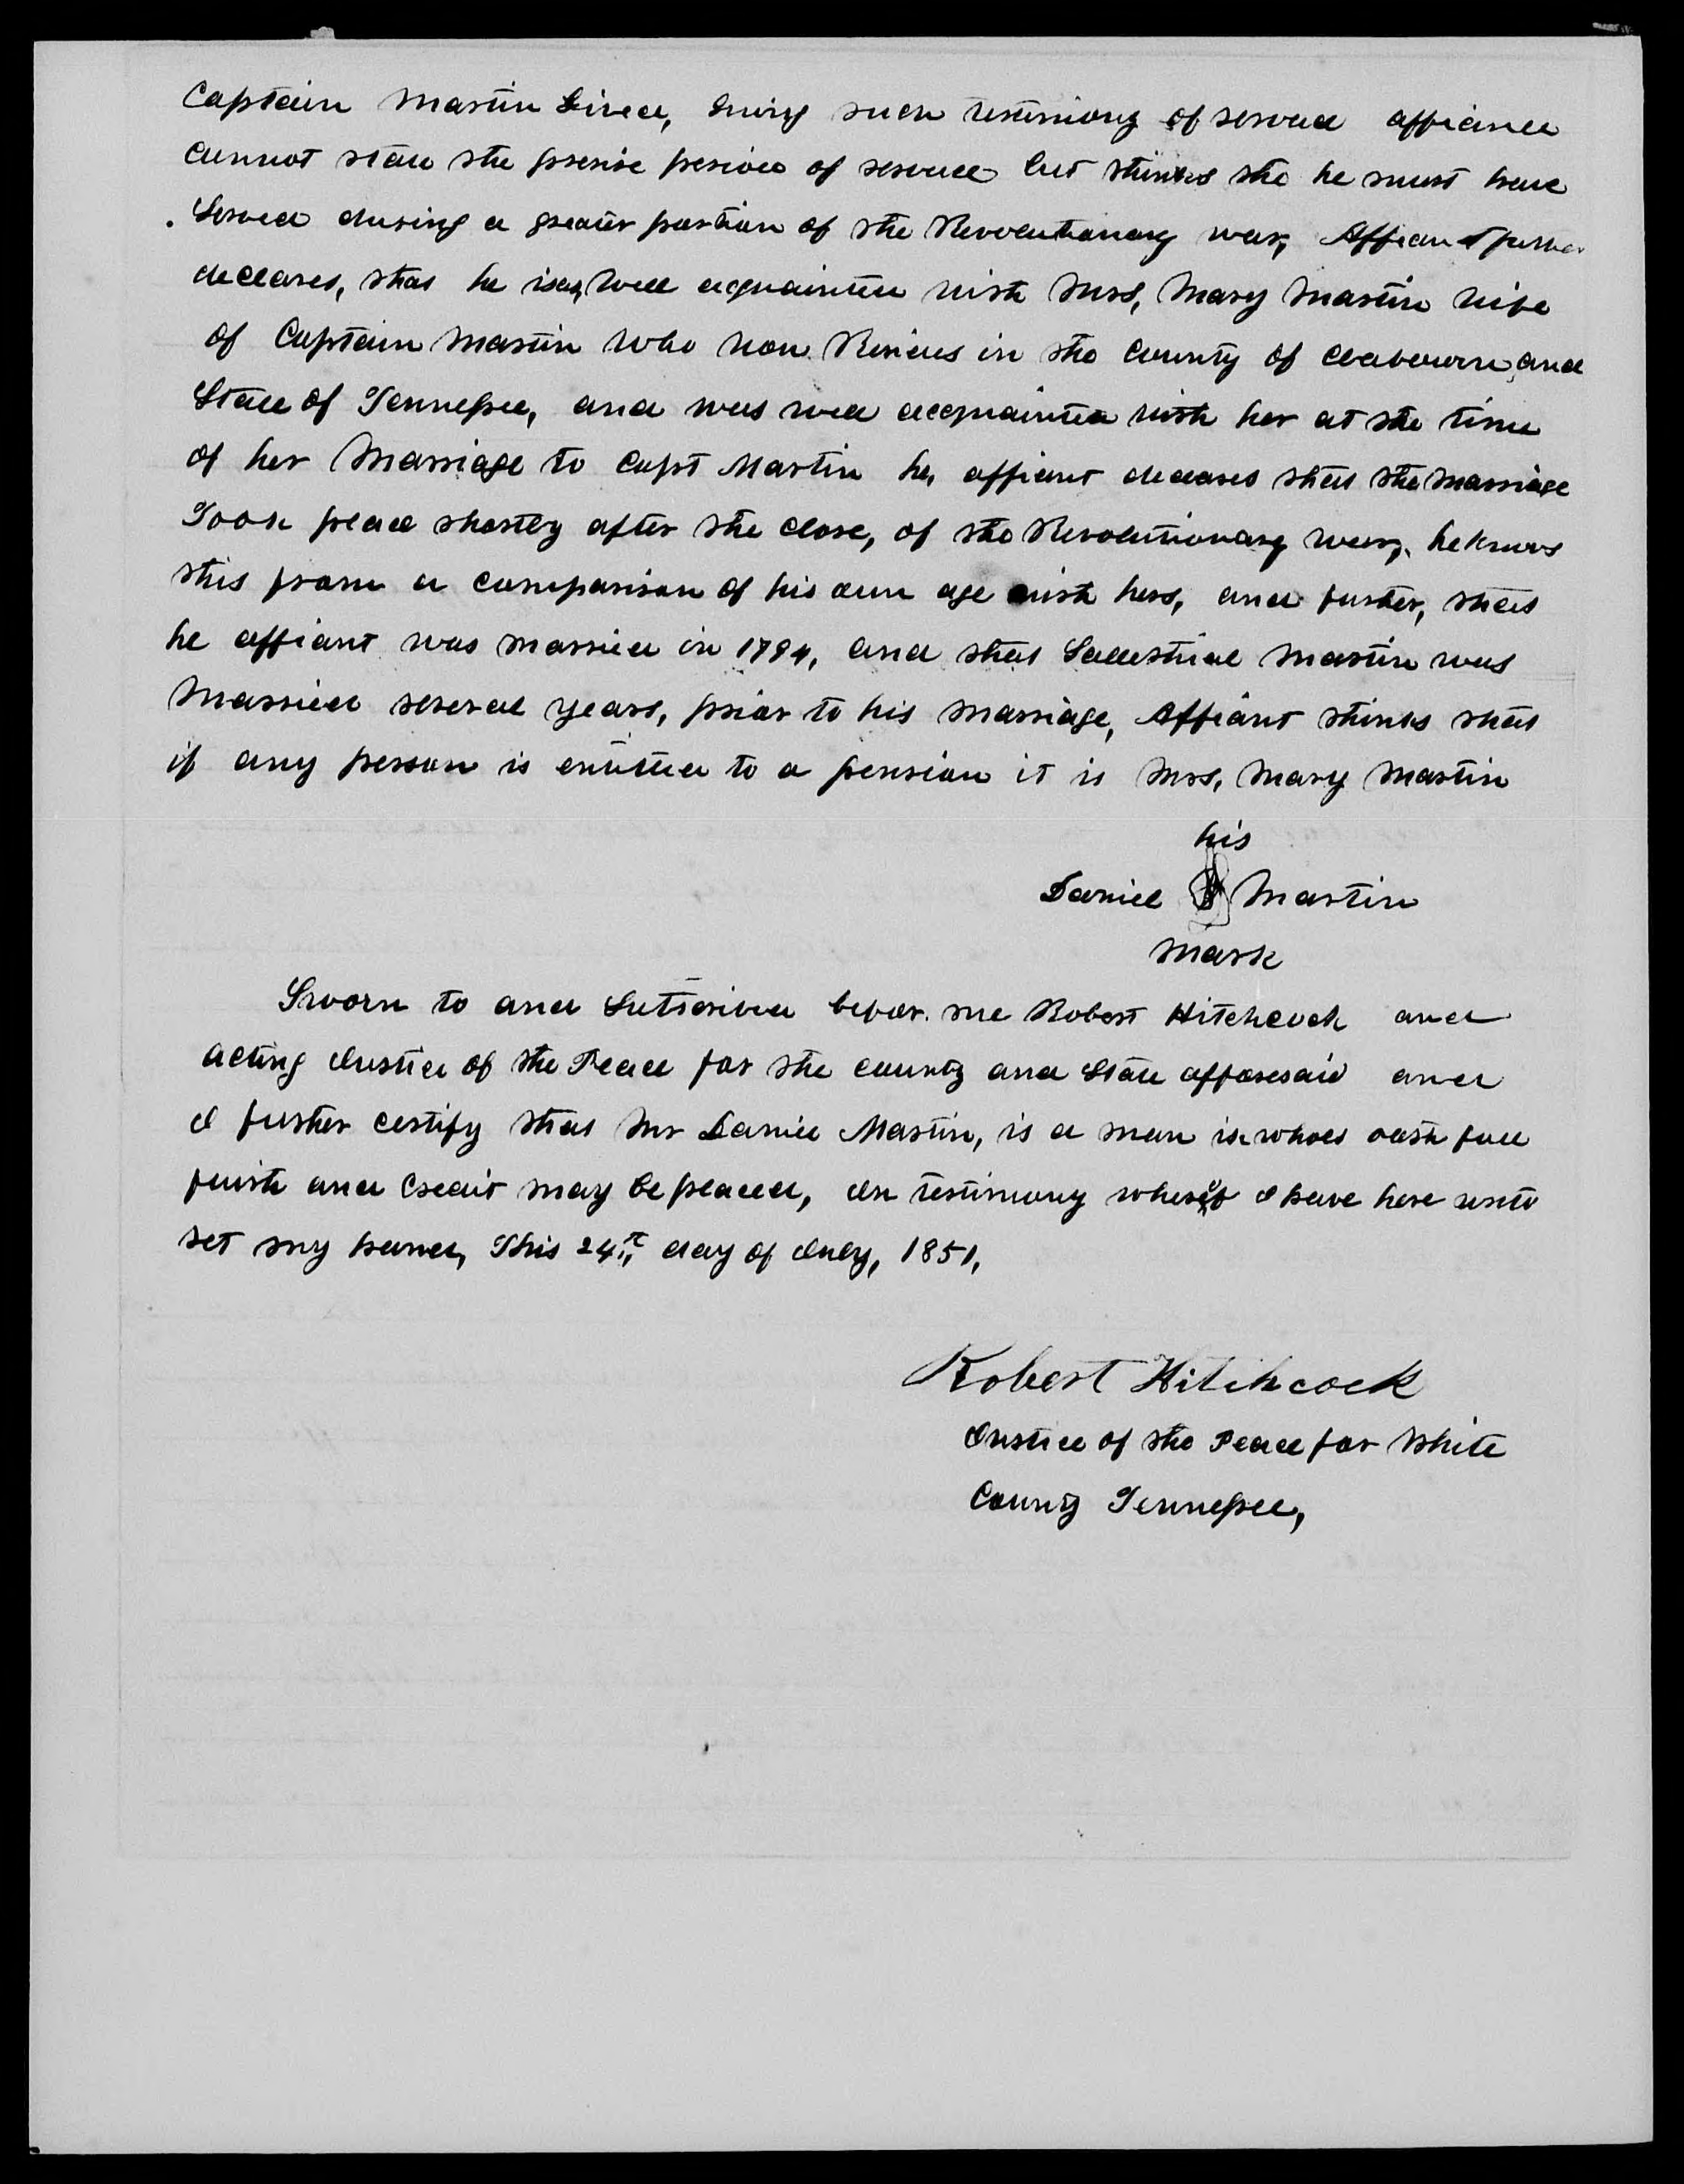Captain Martin served, giving such testimony of service affiance [affiant]
cannot say the precise period of service but thinks that he must have
served during a greater portion of the Revolutionary war, Affiant further
declares, that he is very well acquainted with Mrs. Mary Martin wife
of Captain Martin who now Resides in the County of Clabourn [Claiborne] and
State of Tennessee, and was well acquainted with her at the time
of her Marriage to Capt Martin he affiant declares that the marriage
took place shortly after the close, of the Revolutionary war, he knows
this from a companion of his own age with hers, and further, said
he affiant was married in 1794, and that Salletial [Salathiel] Martin was
married several years, prior to his marriage, Affiant thinks that
if any person is entitled to a pension it is Mrs. Mary Martin
Daniel his x mark Martin
mark
Sworn to and Subscribed before me Robert Hitchcock and
acting Justice of the Peace for the County and State afforesaid and
I further certify that Mr Daniel Martin, is a man in whose oath full
faith and credit may be placed, In testimony whereof I have hereunto
set my hand, This 24th day of July, 1851,
Robert Hitchcock
Justice of the Peace for White
County Tennessee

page: 119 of 120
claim: widow's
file: W. 1044, for Salathiel Martin, North Carolina